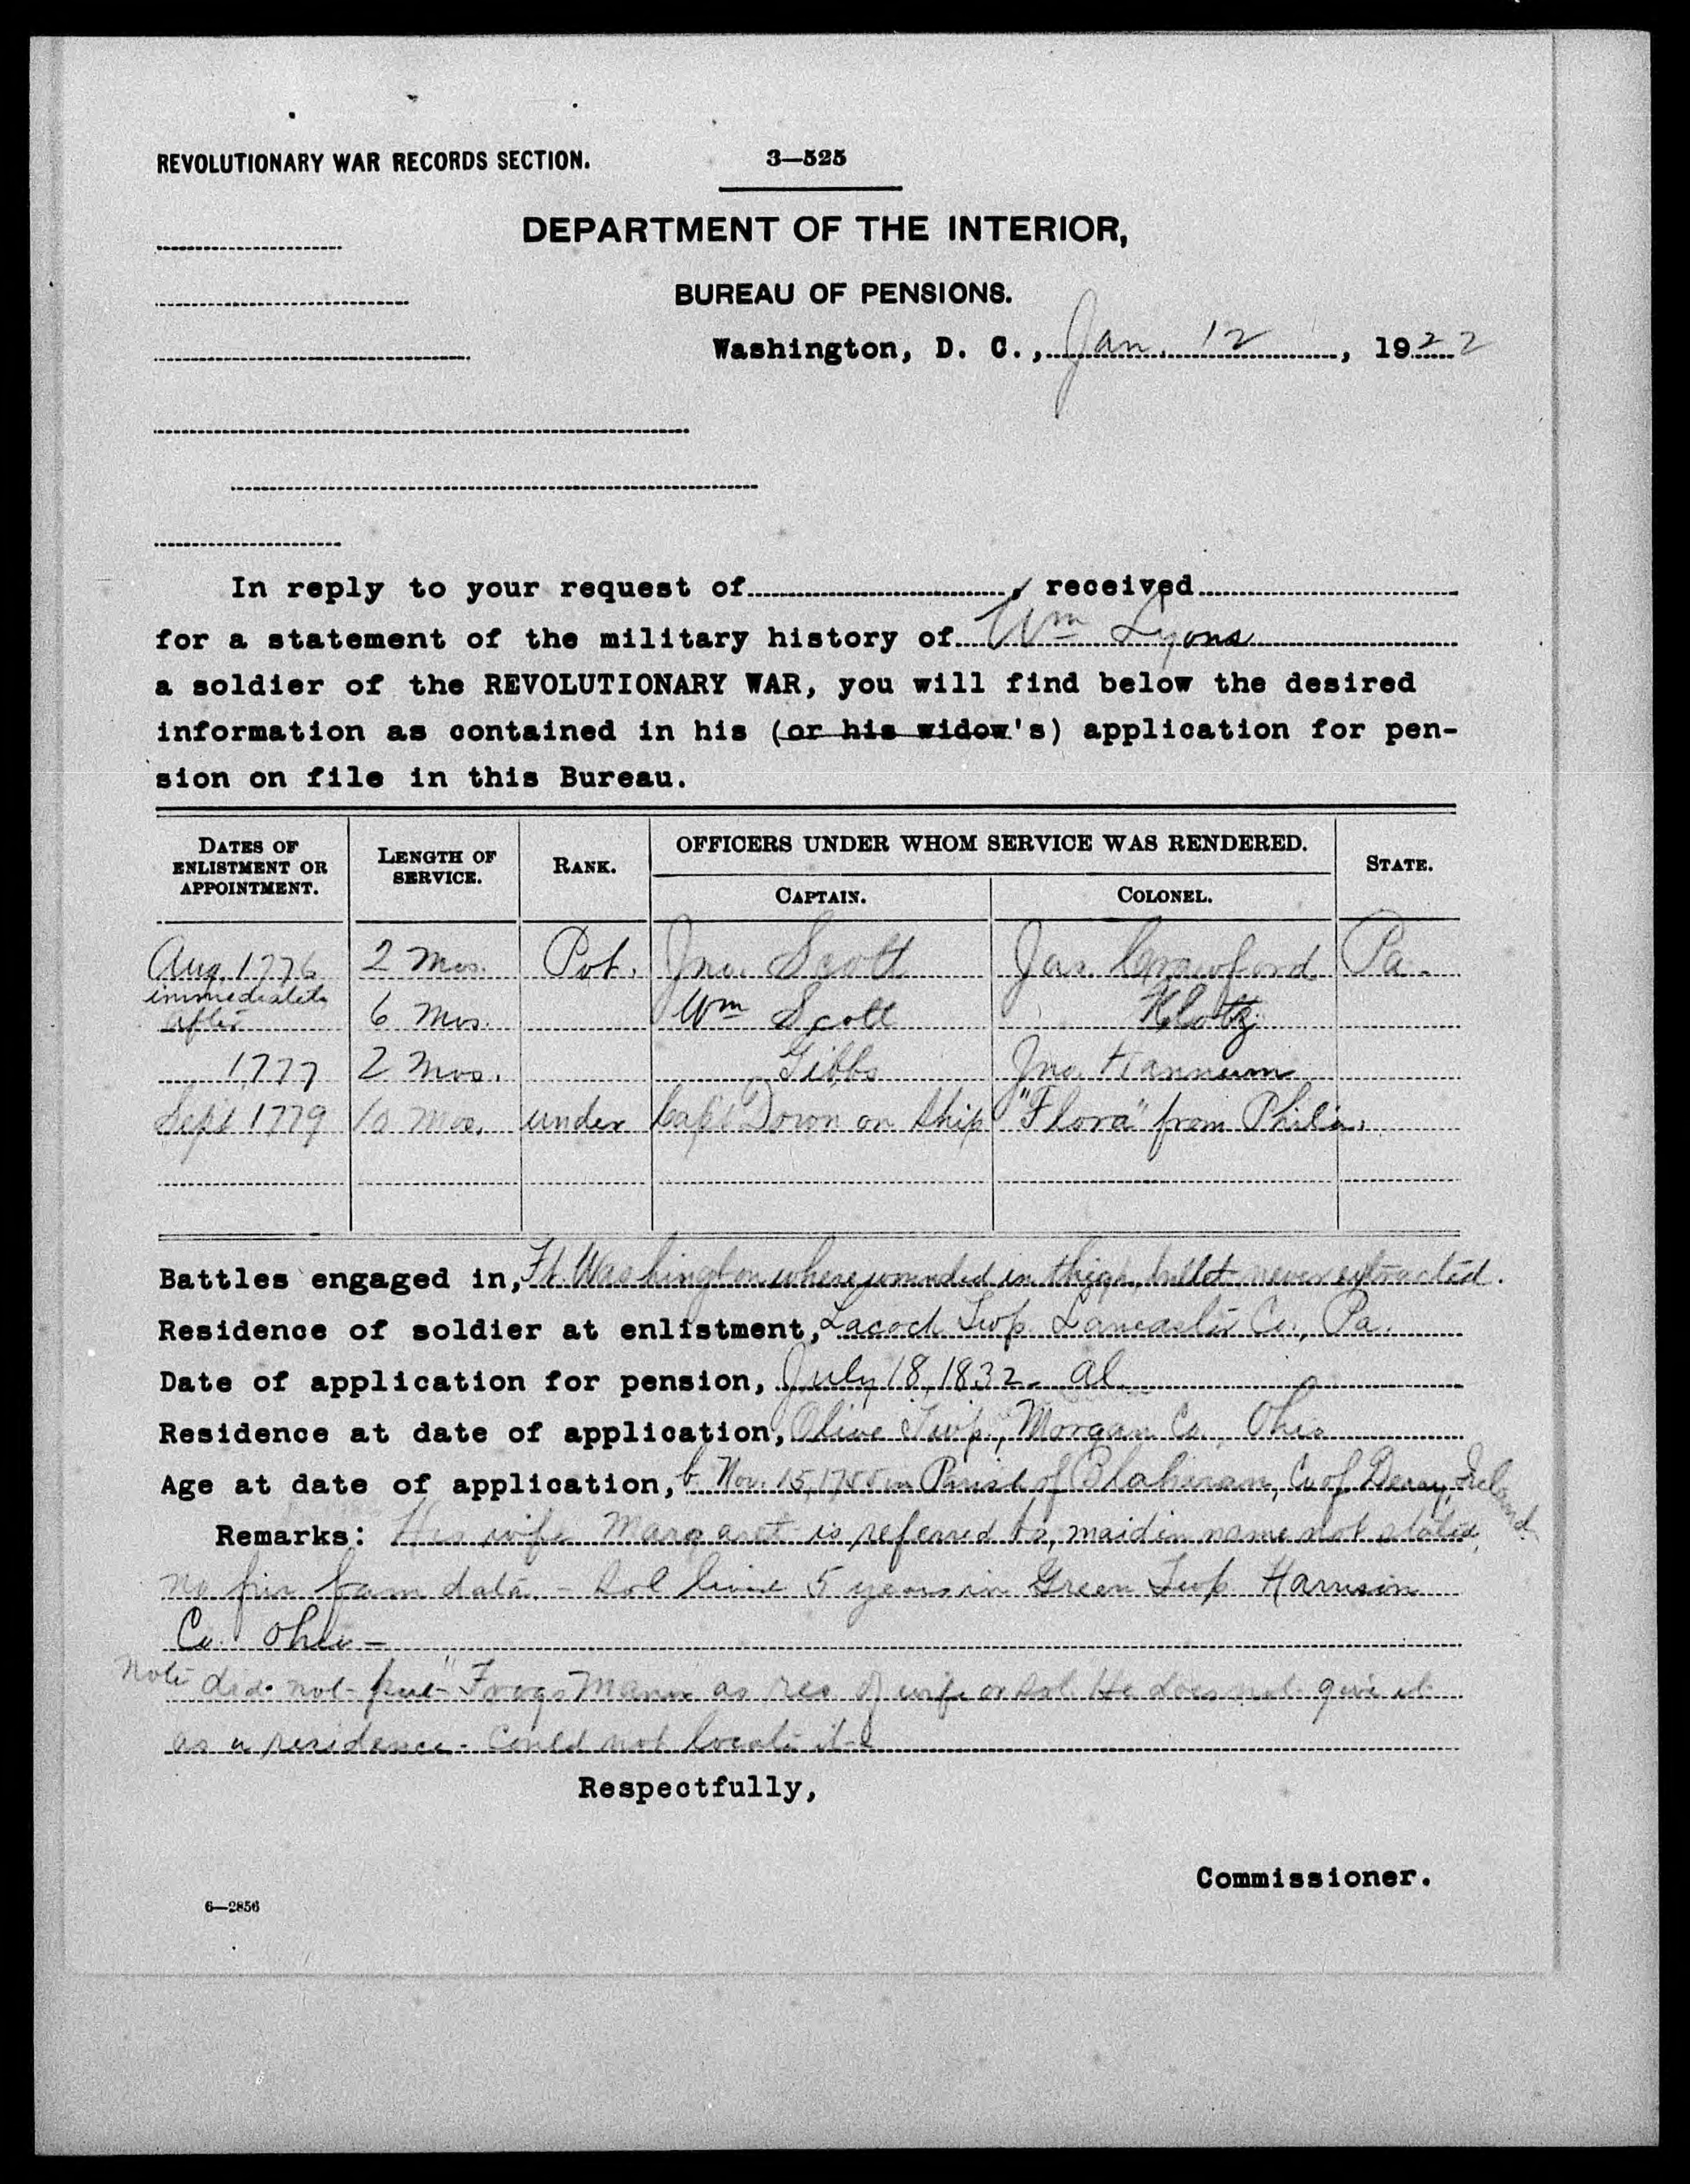REVOLUTIONARY WAR RECORDS SECTION 3-525
DEPARTMENT OF THE INTERIOR&lt;
BUREAU OF PENSIONS,
Washington, D.C. Jan 12, 1922
in reply to your request of  ......received......for a statement of the military history of a Wm Lyons a soldier of the Revolutionary War, you will find below the desired information as contained in his application for pension on file in this Bureau
___________________
DATES OF ENLISTMENT FR APPOINTMENT 
___________
Aug 1776
immediately after
1777
Sept 1779
__________________
LENGTH OF SERVICE
2 mos
6 mos
2 mos 
10mos
__________________
RANK
Pvt
______________
OFFICERS UNDER WHOM SERVICE WAS RENDERED
Captain                Colonel   
____________
JM. Scott             Jas Crawford
Wm Scott             Klotz
Gibbs                    Jno Hannum
under lieut Down on ship "Flora" from Phila
__________
STATE
_____
Pa.
battles engaged in Ft Washington where wounded in thightbullet never extracted
Residence of soldier at enlistment, Lacod. Two Lancaster Co, Pa
Date of application for pension, July 18, 1832 al
Residence at date of application, Olive Twp, Morgan co, Ohio
Age at date of application, B Nov 15, 1788 in Parish of Blahinan, Co of Derry, ireland
Remarks: His wife Margaret is referred no maiden name not stated no fir fam data Sol lived 5 years in Green Twp Harrison Co Ohio
Note did not put "Forgo Manox as res of info or Act he does not given at as a residence could no locate it.
Respectfully, Commissioner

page: 19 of 41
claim: survivor's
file: S. 4585, for William Lyons, Pennsylvania